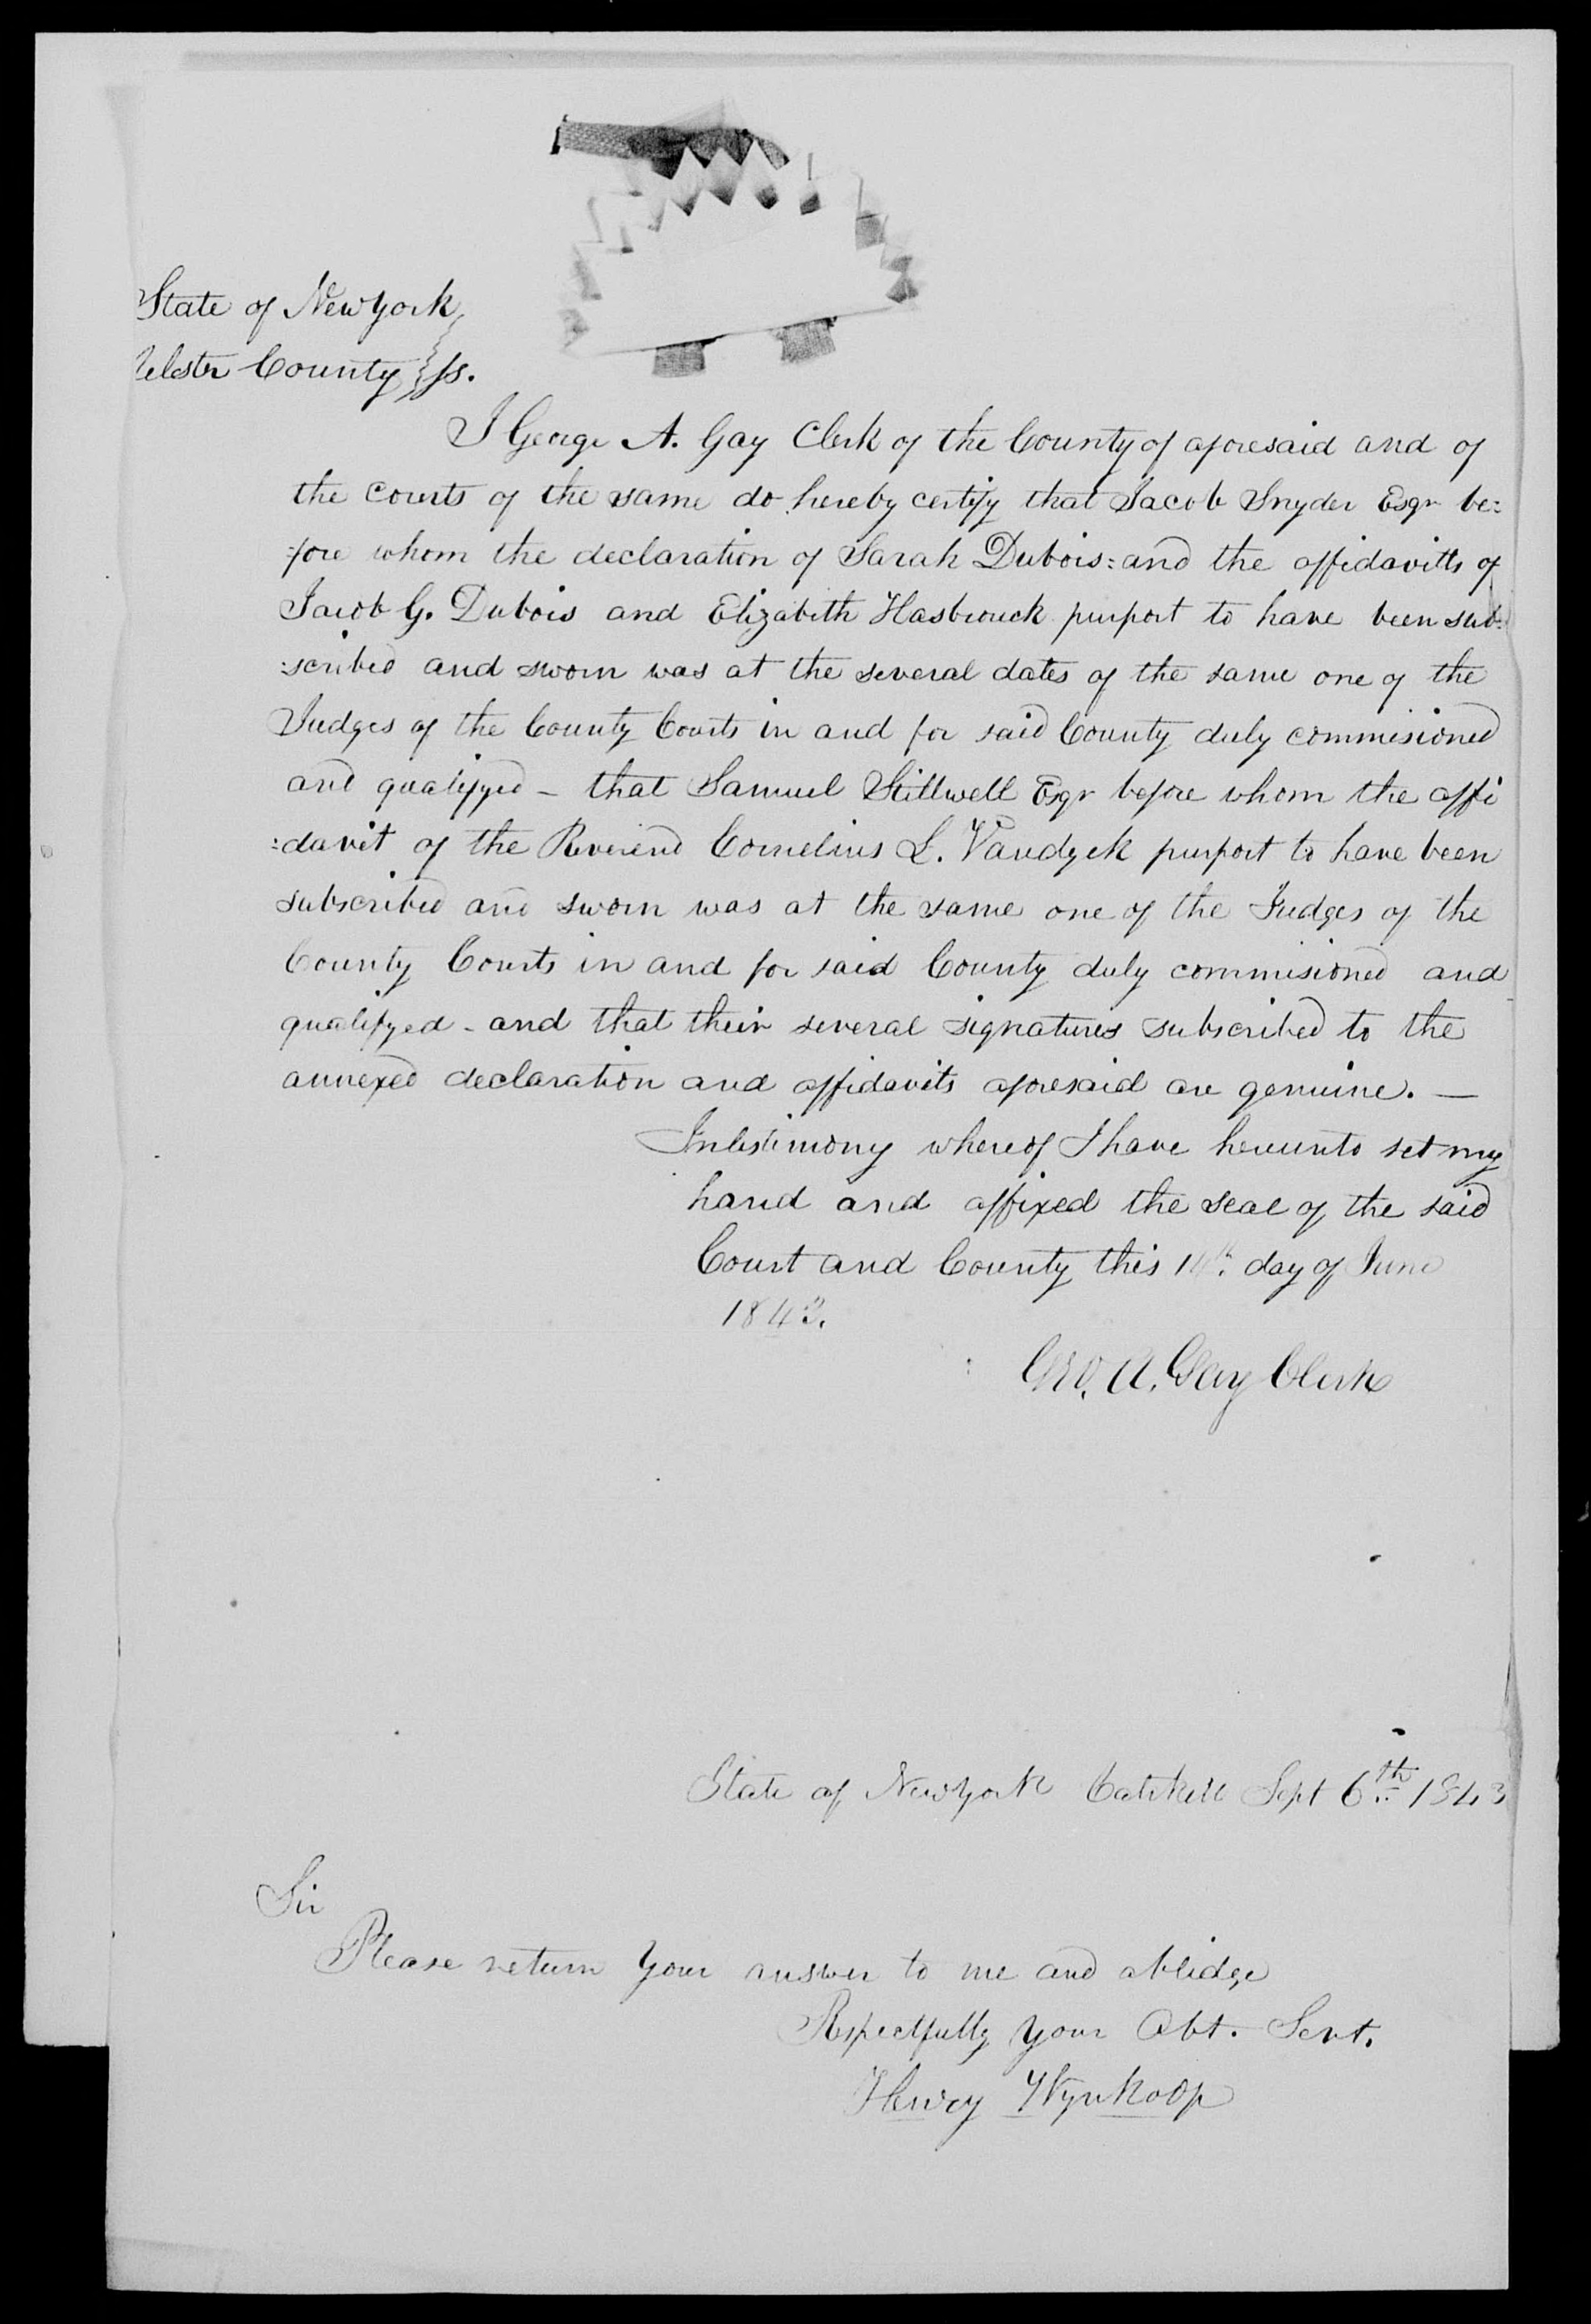State of New York
Ulster County } ss.
I George A. Gay Clerk of the County of aforesaid and of the Courts of the same do hereby certify that Jacob Snyder Esqr before whom the declaration of Sarah Dubois and the affidavits of Jacob G. Dubois and Elizabeth Hasbrouck purport to have been subscribed and sworn was at the several dates of the same one of the Judges of the County Courts in and for said County duly commisioned and qualified - that Samuel Stillwell Esqr before whom the affidavit of the Reverend Cornelius L. Vandyck purport to have been subscribed and sworn was at the same one of the Judges of the County Courts in and for said County duly commissioned and qualifyed, and that their several signatures subscribed to the annexed declaration and affidavits aforesaid are genuine.-
In testimony whereof I have hereunto set my hand and affixed the seal of the said Court and County this 14th day of June 1843
Geo. A. Gay Clerk

State of New York Catskill Sept 6th 1843
Sir
Please return your answer to me and oblidge
Respectfully your Obt. Sevt.
Henry Wynkoop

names: Henry Wynkoop, Geo A Gay, Jacob Snyder, Sarah Dubois, Elizabeth Hasbrouck, Cornelius L Vandyck, Jacob G Dubois, Samuel Stillwell, George A Gay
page: 29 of 36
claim: widow's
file: W 20995, Gerrit Dubois, New York